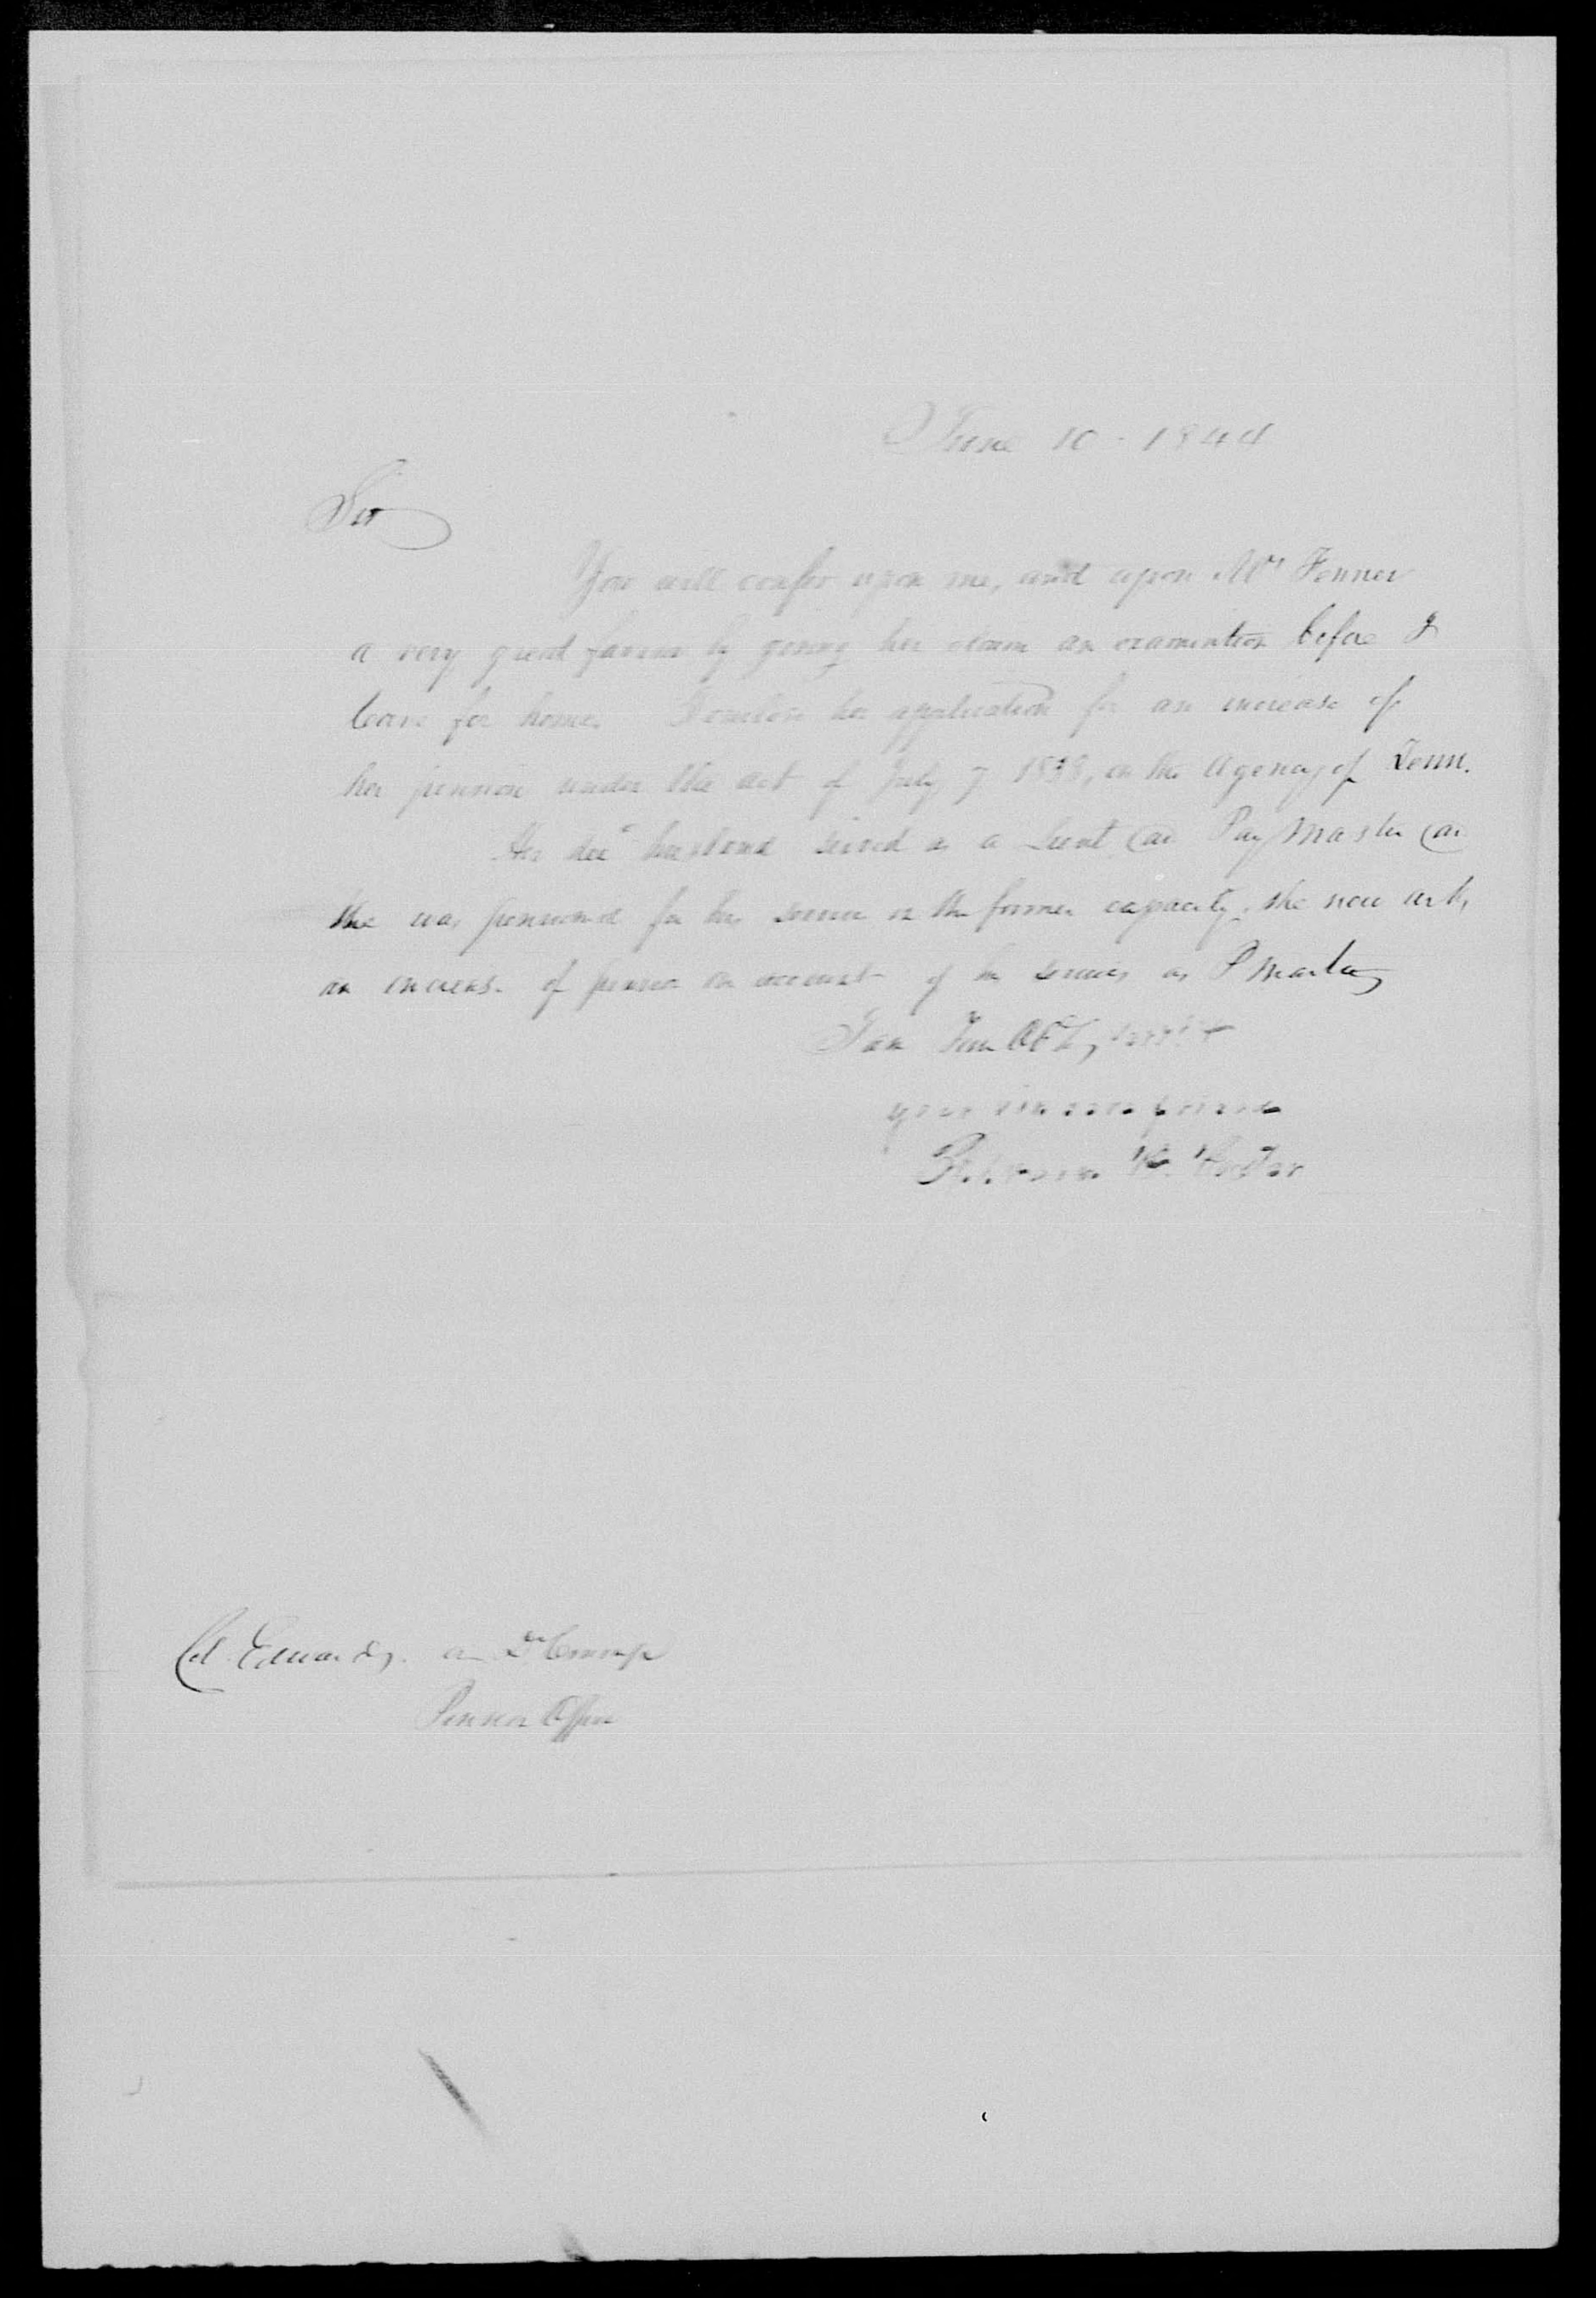June 10, 1844

Sir

You will confer upon me, and upon Mrs. Fenner a very great favor by giving her claim on examination before I leave for home.  I enter her application for an increase of her pension under the Act of July 7, 1838, on the Agency of Tenn.

Her [illegible] husband served as a Lieut and Pay Master and he was pensioned for the service in the former capacity, she know ask an increase of pension on account of his services as P Master

I am 

[illegible signed illegible] H. Foster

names: Burner H Foster, Edwards, Fenner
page: 19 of 39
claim: widow's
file: W. 789, Richard Fenner, N.C.